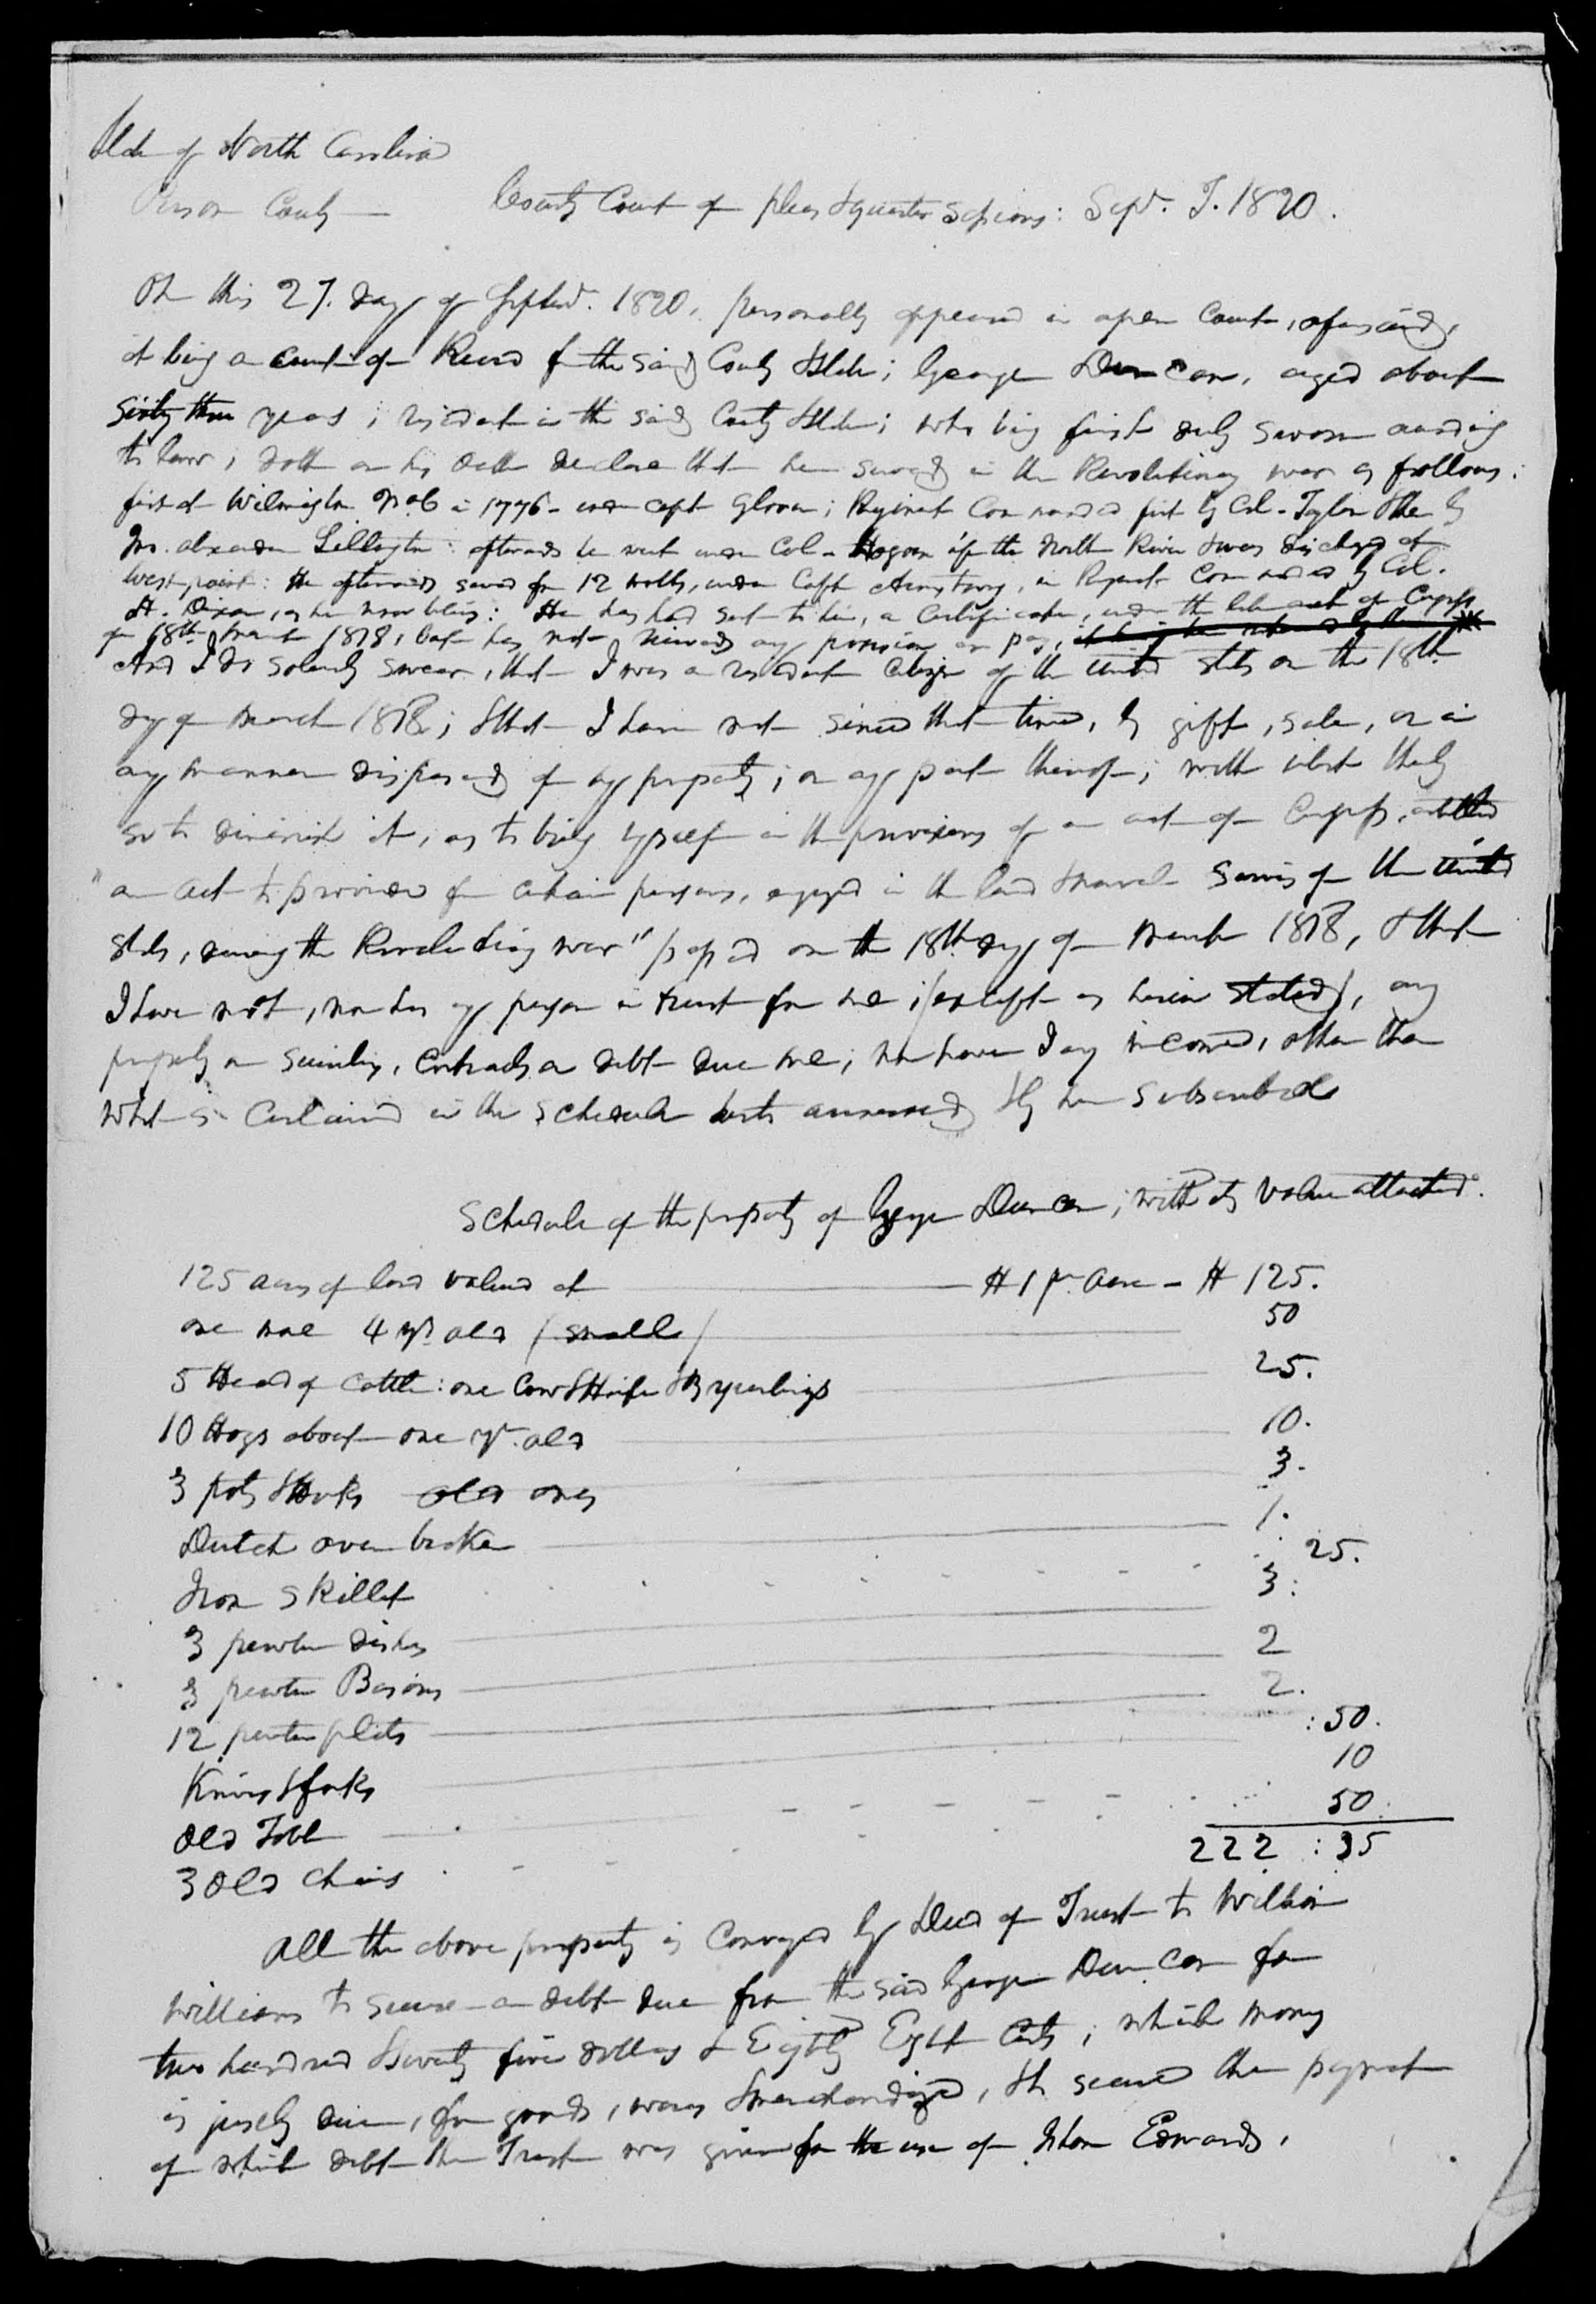State of North Carolina Person County County Court for pleas and quarter sessions Sept ember 7, 1820. On this 27 day of September 1820, personally appears in open court, aforesaid it being a Court of record for the said County and state; George Duncan, aged about sixty-three years; resident in the said County ; who being first duly sworn according to law, doth on his Oath declare that he served in the Revolutionary War as follows: first at Wilmington, North Carolina in 1776 under Captain Glover; regiment commanded first by Colonel Taylor the general was Alexander Lillington, afterwards he went under Colonel Hogan of of the North River and was discharged of West point: He afterwards served for 12 months, under Captain Armstrong, in regiment commanded by Colonel Lieutenant Dixon in [illegible] [illegible]:[illegible] [illegible]: He has had sent to him, a Certificate, under the [illegible] of corps for 18th March 1818, but has not received any pension or pay.  And I do solemnly swear, that I was a resident Citizen of the United States on the 18th day of March, 1818; Stated I have not since that time, by gift, sale or any manner disposed of my property, or any part thereof; with intent thusly so to diminish it, as to bring upset in the provisions of an act of Congress entitled "an act to provide for certain persons, enjoyned in the last travail, services of the United States, during the Revolutionary War" posted on the 18th day of March 1818, that I have not, nor has any person in trust for me, except as herein stated, any property or security, contracts or debt due me; nor have I any income, other than what is contained in the schedule hereto annexed by him subscribed.
Schedule of the property of George Duncan; with its value attached:  125 acres of land valued of $1 per acre - $125. 
One mare 4 years old / small/  $50. 
5 head of cattle: one Cow and  Heifer and 3 yearlings $25. 
10 Hogs about one year old $10. 3 pots [illegible] $3. 
Dutch oven broke :1. 
Iron skillet $3.25 
3 pewter dishes $3. 
3 pewter Basins $2. 
12 pewter plates  $2  
Knives and forks :.50. 
Old table....10 
3 old chairs :50. (Total) $222:35.   
All the above property is conveyed by Deed of Trust to William Williams to secure a debt due from the said George Duncan for two hundred seventy-five dollars and Eighty Eight Cents, which money is justly due, for goods, sundry  merchandise, It secured the payment of which debt - the transfer was given for the use of John Edwards.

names: George Duncan, H Dixon, Taylor, Armstrong, George Duncan, Alexander Lillington, Hogan, John Edwards, George Duncan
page: 6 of 49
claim: survivor's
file: S. 41513, George Duncan, N.C.